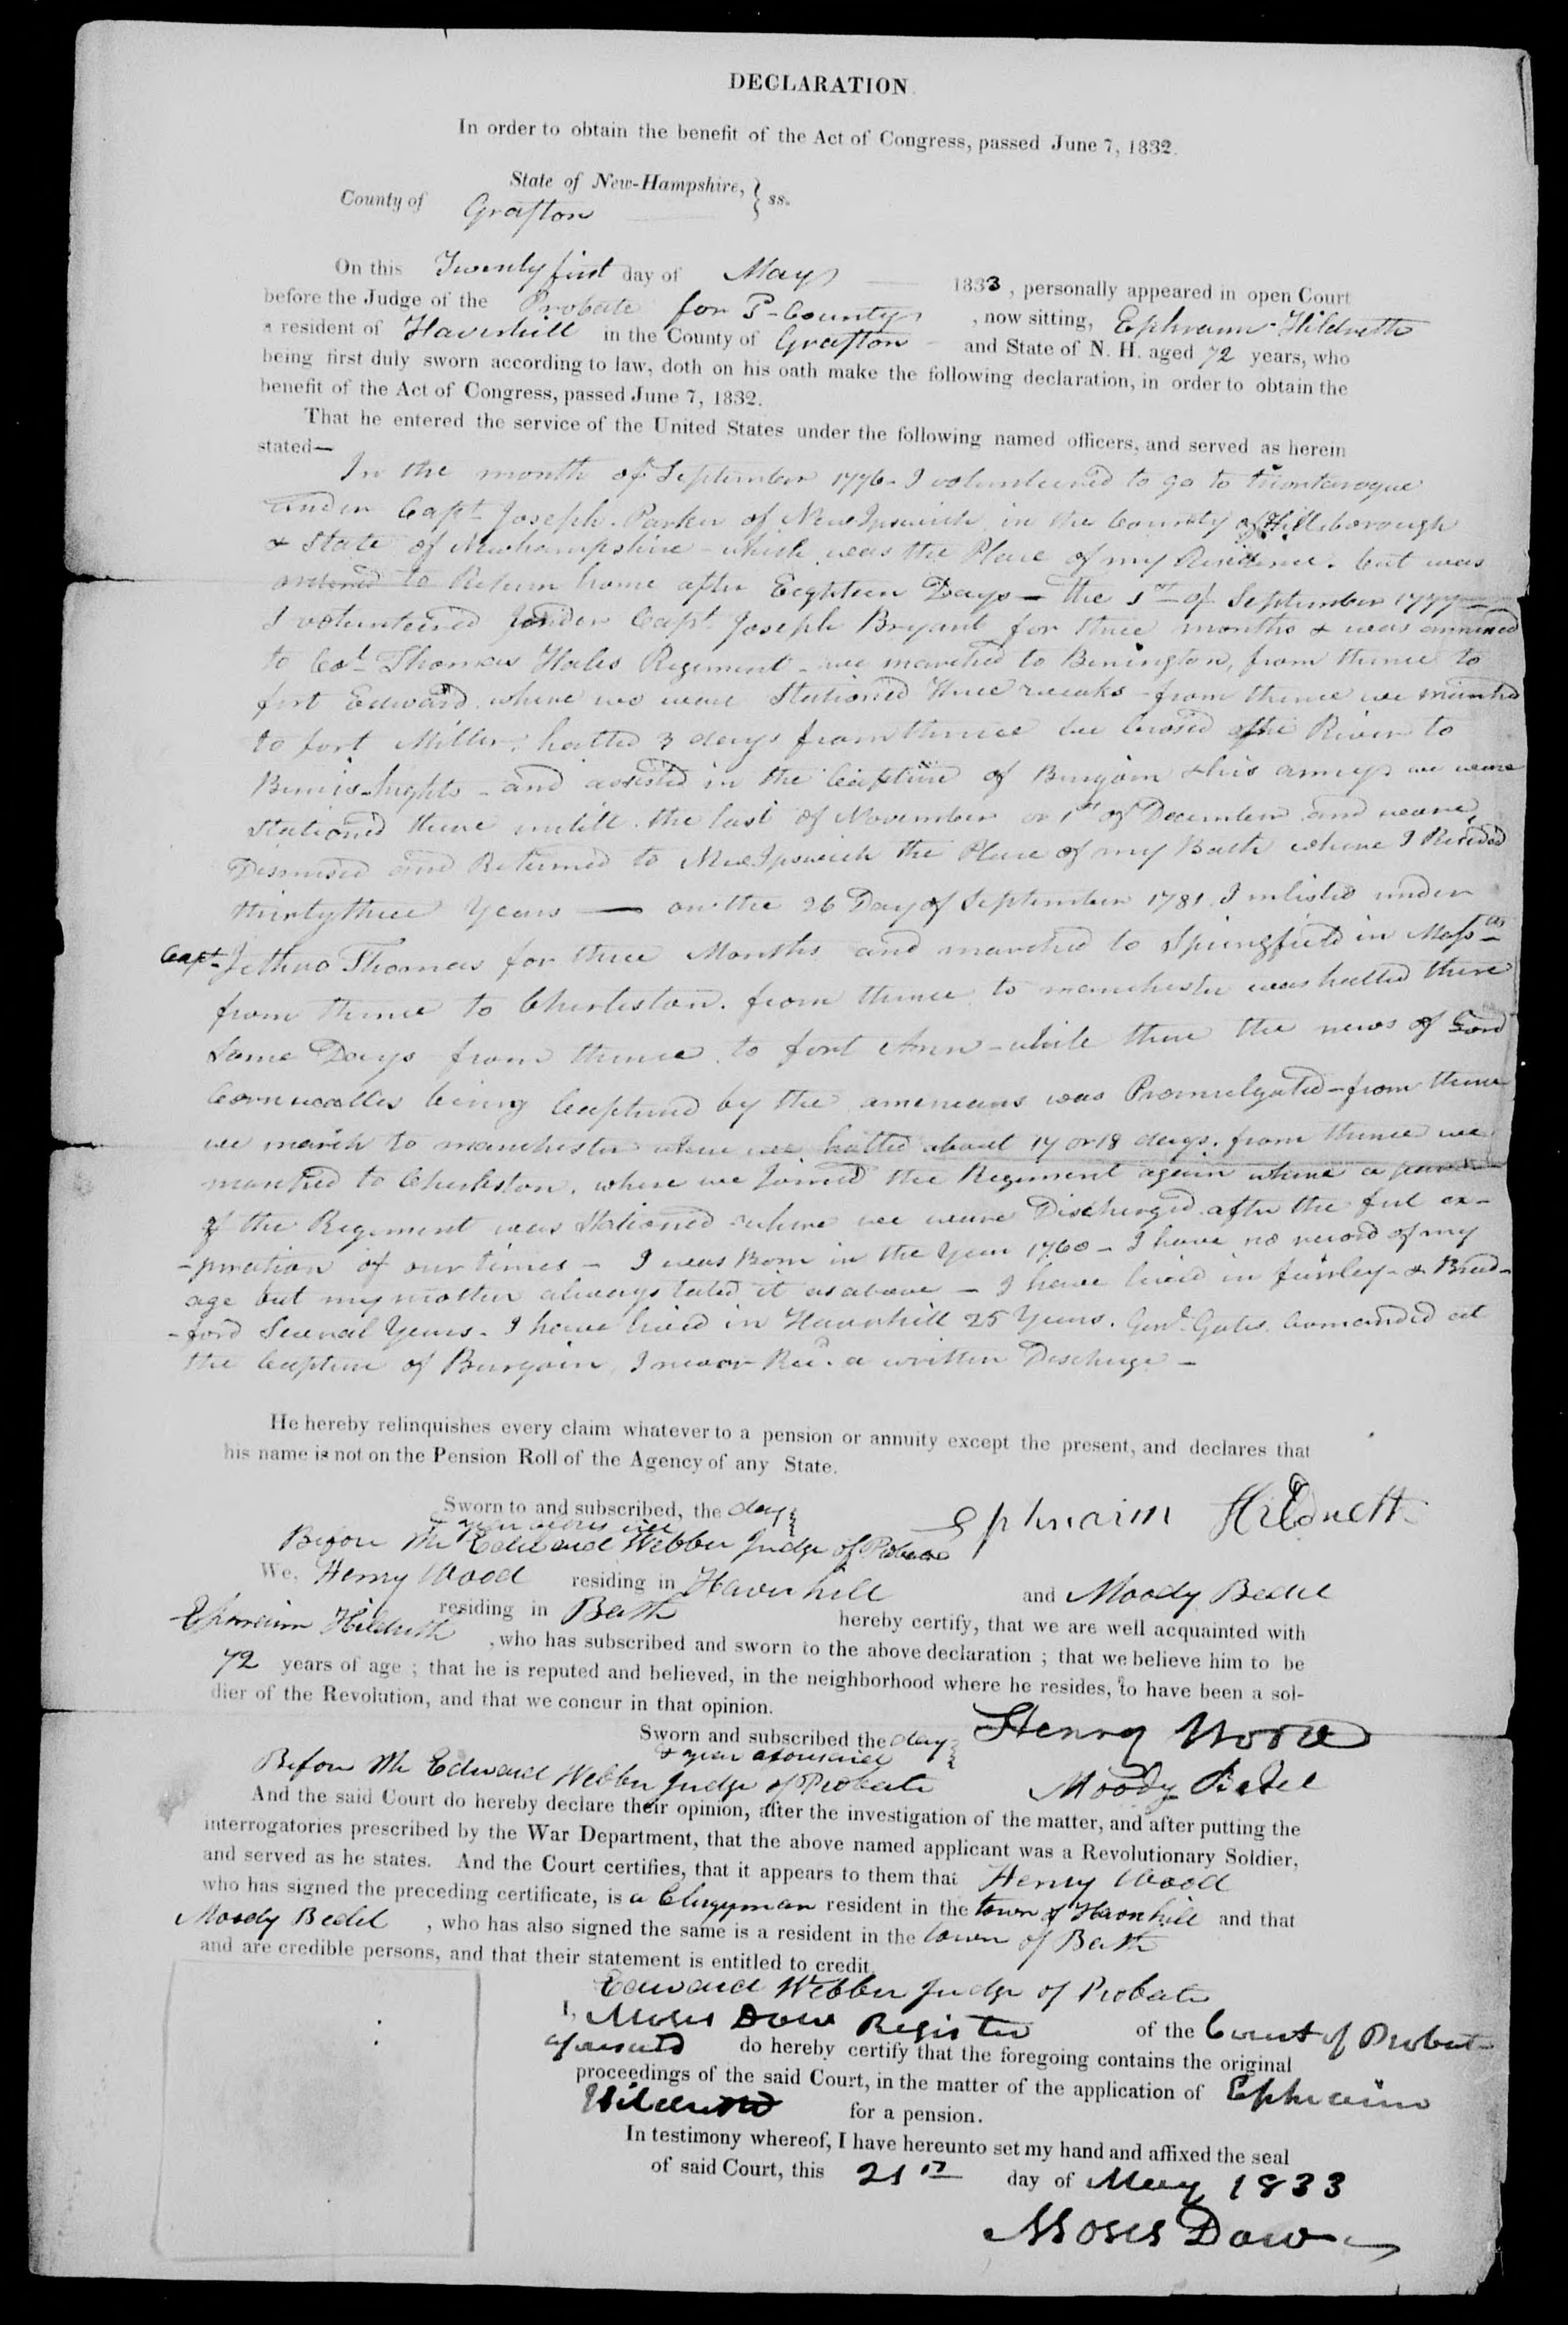DECLARATION
In order to obtain the benefit of the Act of Congress, passed June 7, 1832

State of New-Hampshire}
County of Grafton} ss

On this Twenty first day of May 1833, personally appeared in open Court 
before the Judge of the Probate for s(ai)d County, now sitting, Ephraim Hildreth, a resident of Haverhill in the County of Grafton
and State of N. H. aged 72 years, who
being first duly sworn according to law, doth on his oath make the following declaration, in order to obtain the benefit of the Act of Congress, passed June 7, 1832.

That he entered the service of the United States under the following named officers, and served as herein stated --

In the month of September 1776, I volunteered to go to Ticontarogue (Ticonderoga) under Capt(ain) Joseph Parker of New Ipswich, in the County of Hillsborough & State of  New hampshire, which was the place of my residence, but was ordered to return home after Eighteen days - the 1st of September 1777

I volunteered under Capt(ain) Joseph Bryant for three months & was annexed to Col(onel) Thomas Hales Regiment - we marched to Bennington, from thence to fort Edward where we were stationed three weeks --from thence we marched to fort Miller halted 3 days from thence we crossed the River to Bemis heights and assisted in the capture of Bargain(Burgoyne) & his army   we were
stationed there until the last of November or 1st of December and we were Dismissed and Returned to New Ipswich the place of my Birth  where I Resided thirty three years--- on the 26 day of September 1781 I enlisted under
Capt(ain) Jethro Thomas for three months and marched to Springfield in Mass(axhusett)s
from thence to Charleston from thence to Manchester was halted there Same Days from thence to fort Ann, while there the news of Lord Cornwallis being Captured by the americans was Promulgated from thence
we march(ed) to Manchester where we halted about 17 or 18 days from thence we
marched to Charleston, where we joined the Regiment again where a portion of the Regiment was stationed Before we were Discharged after the full expiration
of our times-- I was born in the year 1760 - I have no record of my age but my mother always stated it as above-- I have lived in Quimley? & Bradford Several Years. I have lived in Haverhill 25 years. Gen(era)l Gates commanded at the capture of Burgoin(Burgoyne), I never Rec(eive)d a written Discharge-

He hereby relinquishes every claim whatever to a pension or annuity except the present, and declares that his name is not on the Pension Roll of the Agency of any State.

(signed) Ephraim Hildreth

Sworn to and subscribed, the day and year aforesaid 
Before Me Edward Webber Judge of Probate

We Henry Wood residing in Haverhill
and Moody Bedel residing in Bath hereby certify, that we are well acquainted with
Ephraim Hildreth who has subscribed and sworn to the above declaration; that we believe him to be 72 years of age; that he is reputed and believed, in the neighborhood where he resides, to have been a soldier of the Revolution, and that we concur in that opinion.

(signed) Henry Wood
(signed) Moody Bedel 

Sworn and subscribed the day and year aforesaid 

Before Me Edward Webber Judge of Probate
Moody Bedel

And the said Court do hereby declare their opinion, after the investigation of the matter, and after putting the interrogatories prescribed by the War Department, that the above named applicant was a Revolutionary Soldier, and served as he states. And the Court certifies, that it appears to them that Henry Wood who has signed the preceding certificate, is a Clergyman resident in the town of Haverhill, and that Moody Bedel who has also signed the same is a resident in the town of Bath and are credible persons, and that their statement is entitled to credit

(signed) Edward Webber Judge of Probate

I Moses Dow Register of the Court of Probate
aforesaid do hereby certify that the foregoing contains the original proceedings of the said Court, in the matter of the application of Ephraim Hildreth for a pension.

In testimony whereof, I have hereunto set my hand and affixed the seal of said Court this 21st day of May 1833

(signed) Moses Dow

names: Moody Bedel, Moody Bedel, Moses Dow, Gates, Henry Wood, Edward Webber, Moody Bedel, Ephraim Hildreth, Edward Webber, Joseph Bryant, Moses Dow, Ephraim Hildreth, Edward Webber, Henry Wood, Henry Wood, Ephraim Hildreth, Jethro Thomas, Ephraim Hildreth, Joseph Parker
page: 3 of 17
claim: rejected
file: R. 4989, Ephraim Hildreth, N.H.